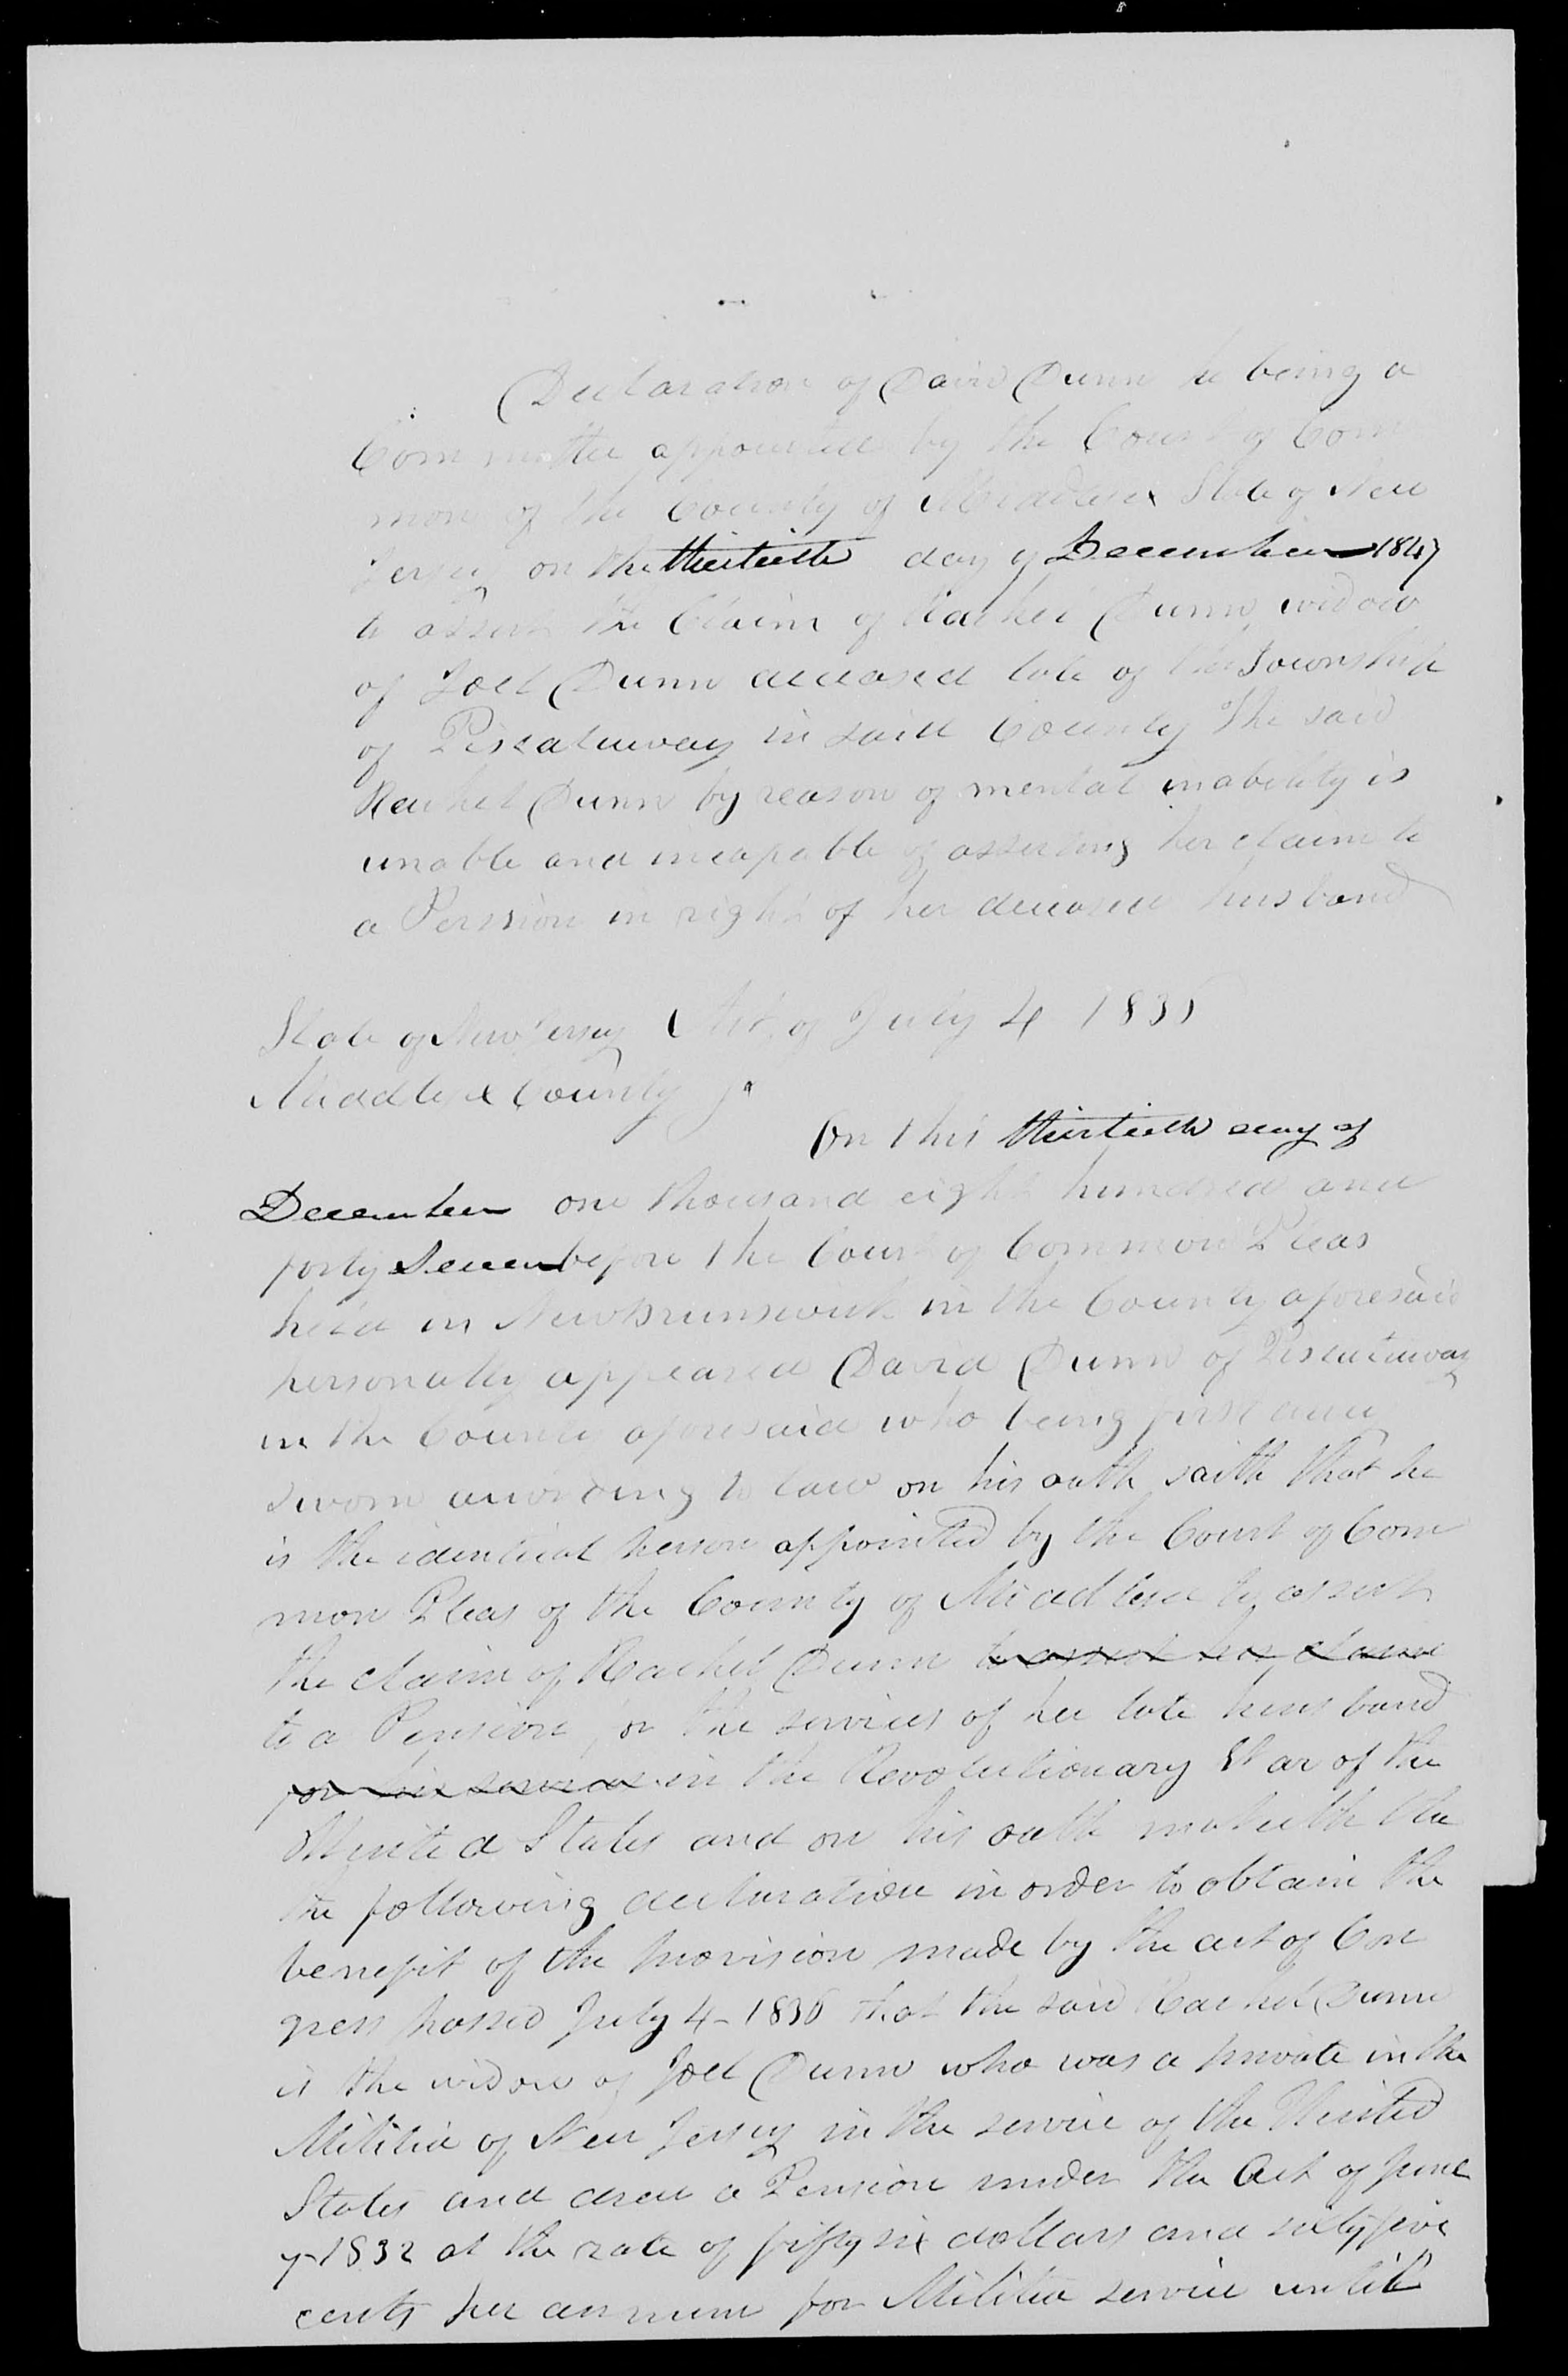Declaration of David Dunn he being a
Committee appointed by the Court of Common [Pleas] of the County of Middlesex State of New Jersey  on the thirtieth day of December 1847
to assert the Claim of Rachel Dunn widow of Joel Dunn deceased late of the Township of Piscataway in said County.  The said Rachel Dunn by reason of mental inability is unable and incapable of asserting her claim to a Pension in right of her deceased husband

Act of July 4 1835
State of New Jersey  
Middle County SS.
On this thirtieth day of December one thousand eight hundred and forty seven before the Court of Common Pleas held in New Brunswick in the County aforesaid personally appeared David Dunn of Piscataway in the County aforesaid who being first duly sworn according to law on his oath saith that he is the identical person appointed by the Court of Common Pleas of the County of Middlesex to assert the claim of Rachel Dunn ['to assert her claim' crossed out] 
to a Pension for the services of her late husband ['for his services' crossed out] in the Revolutionary War of the United States and on his oath maketh the in which the following declaration in order to obtain the benefit of the provision made by the act of Congress passed July 4, 1836 that the said Rachel Dunn is the widow of Joel Dunn who was a private in the
Militia of New Jersey in the service of the United States and drew a pension under the act of June 7 1832 at the rate of fifty six dollars and sixty five cents per annum for Militia service until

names: David Dunn, Rachel Dunn, Rachel Dunn, David Dunn, Joel Dunn, Rachel Dunn, Joel Dunn, Rachel Dunn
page: 17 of 52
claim: widow's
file: W. 919, Joel Dunn, New Jersey